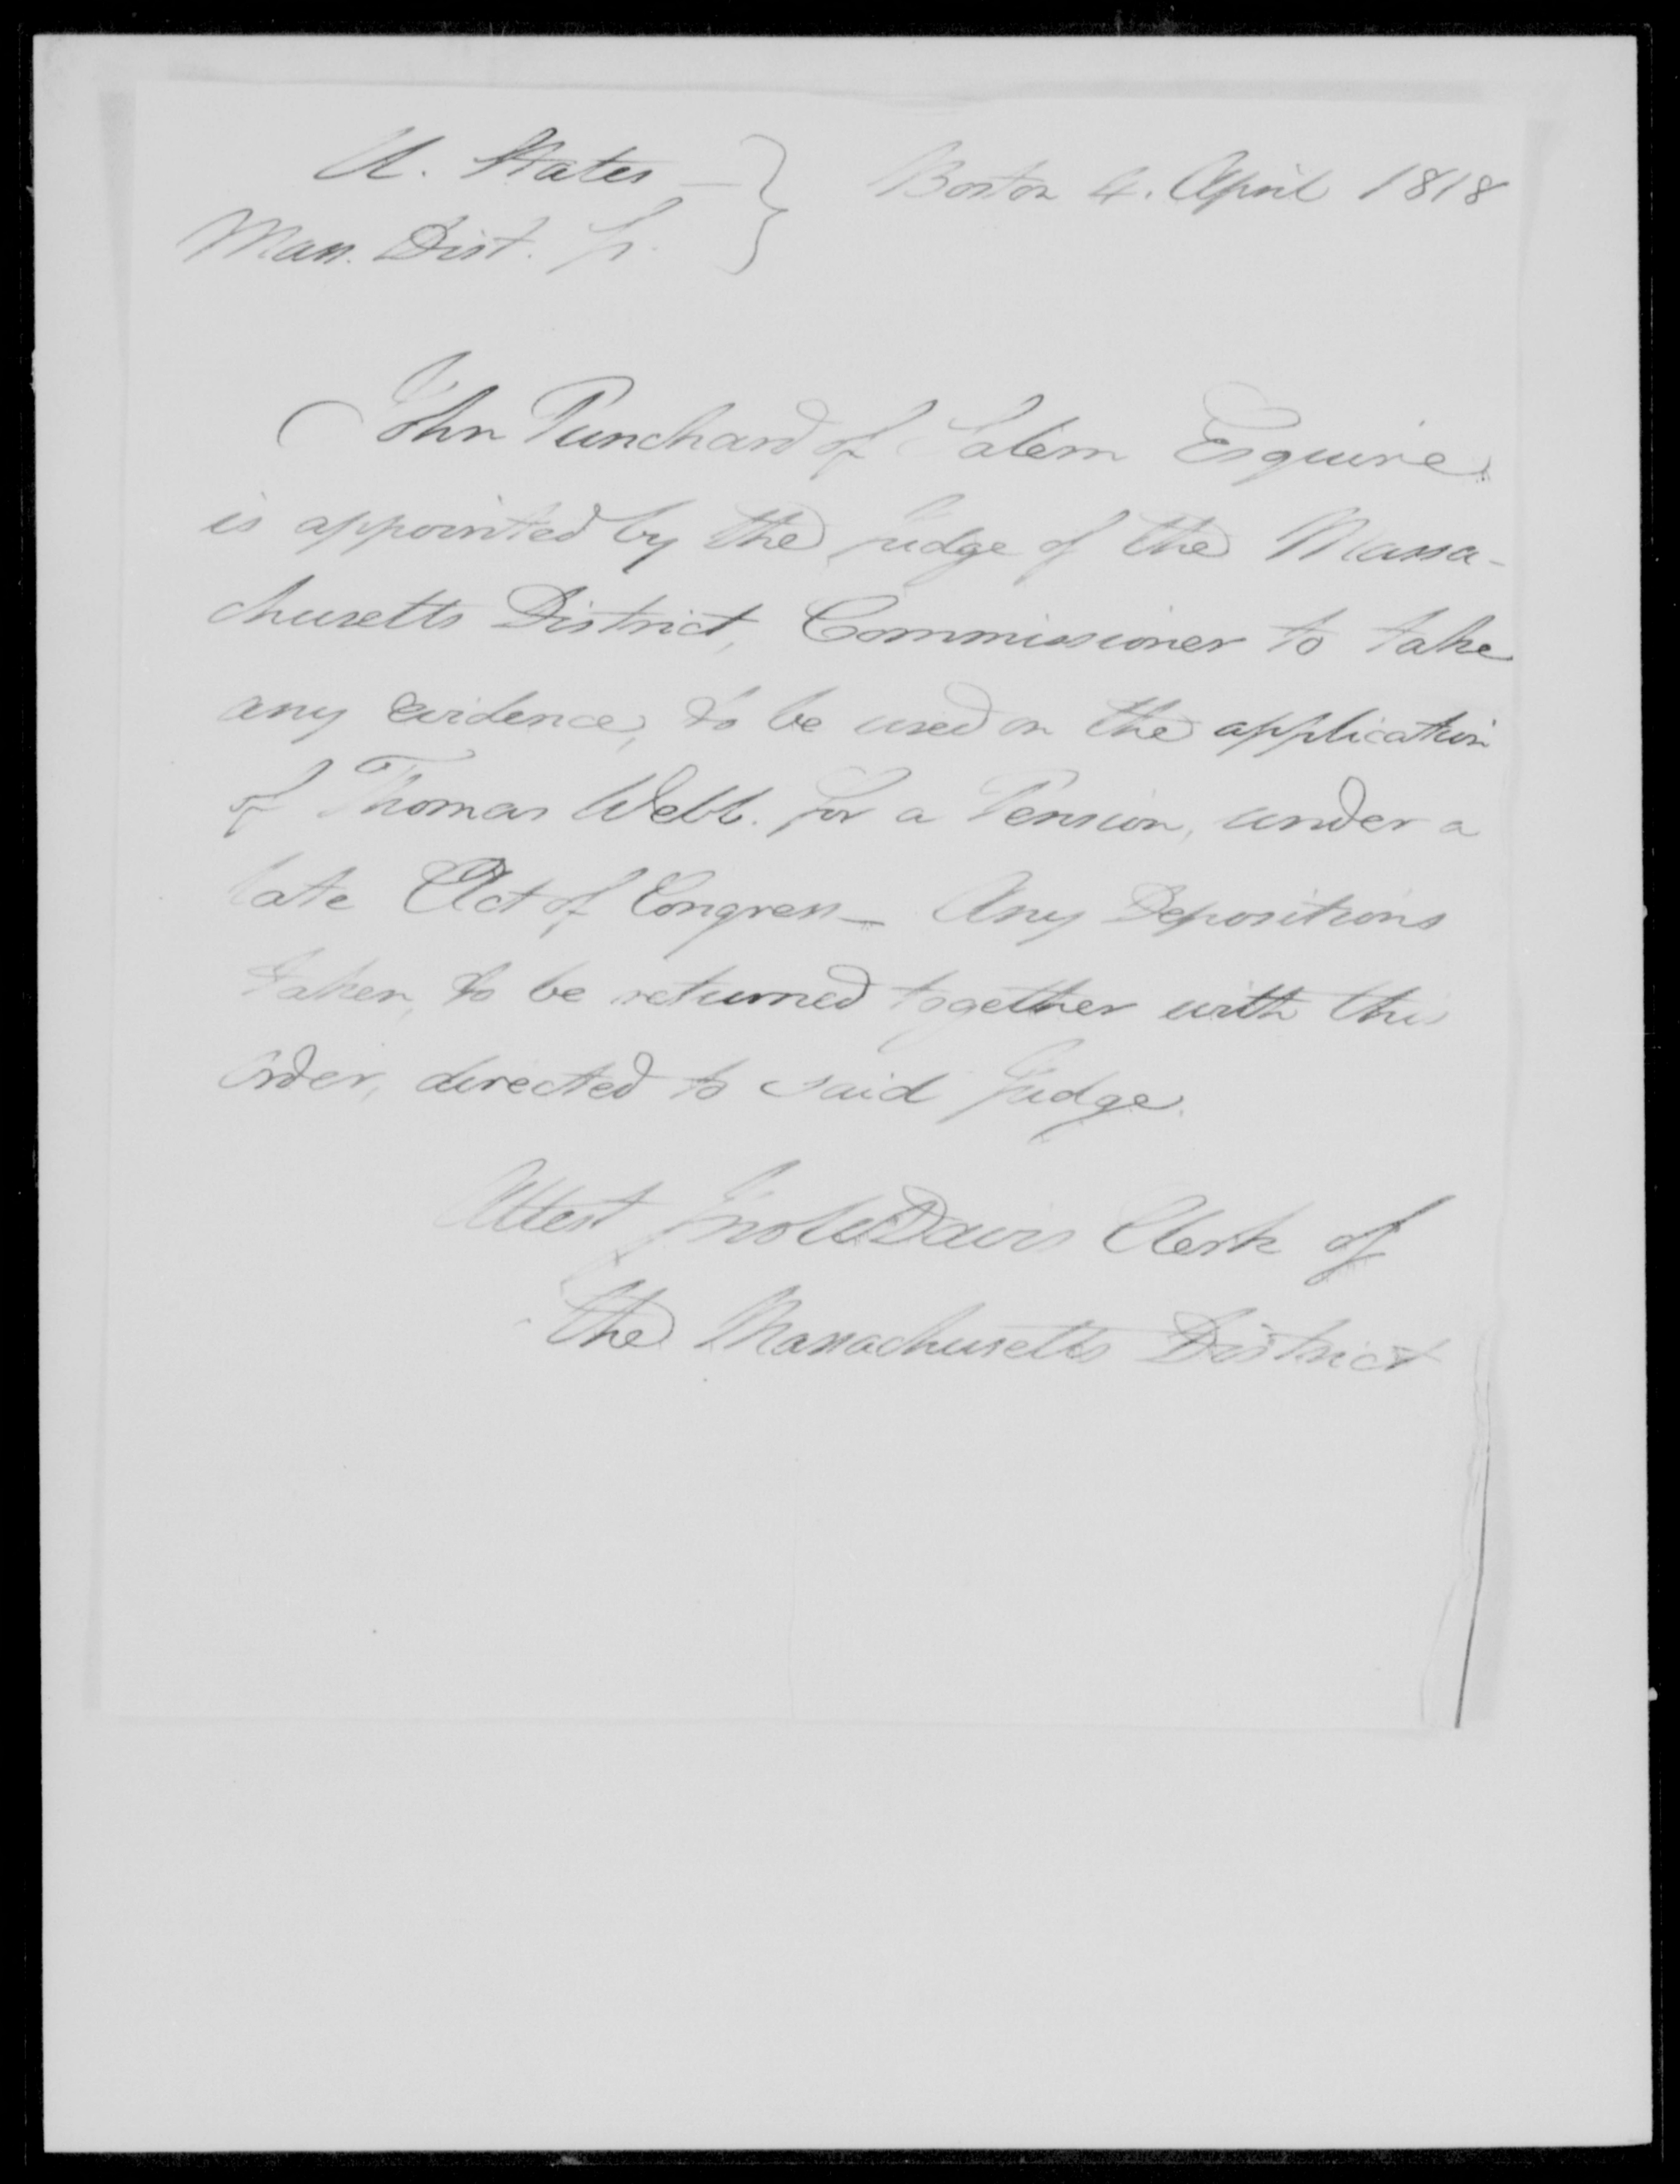U. States
Mass. Dist. Ss
Boston 4 April 1818

John Panchard of Salem Esquire is appointed by the Judge of the Massachusetts District Commissioner to take any evidence to be used on the application of Thomas Webb for a Pension under a late Act of Congress. Any Depositions taken to be returned together with the order, directed to said Judge.
Attest Jno. W. Davis Clerk of the Massachusetts District.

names: Thomas Webb, Jno W Davis, John Panchard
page: 3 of 14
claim: survivor's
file: S. 33888, Thomas Webb, Mass.